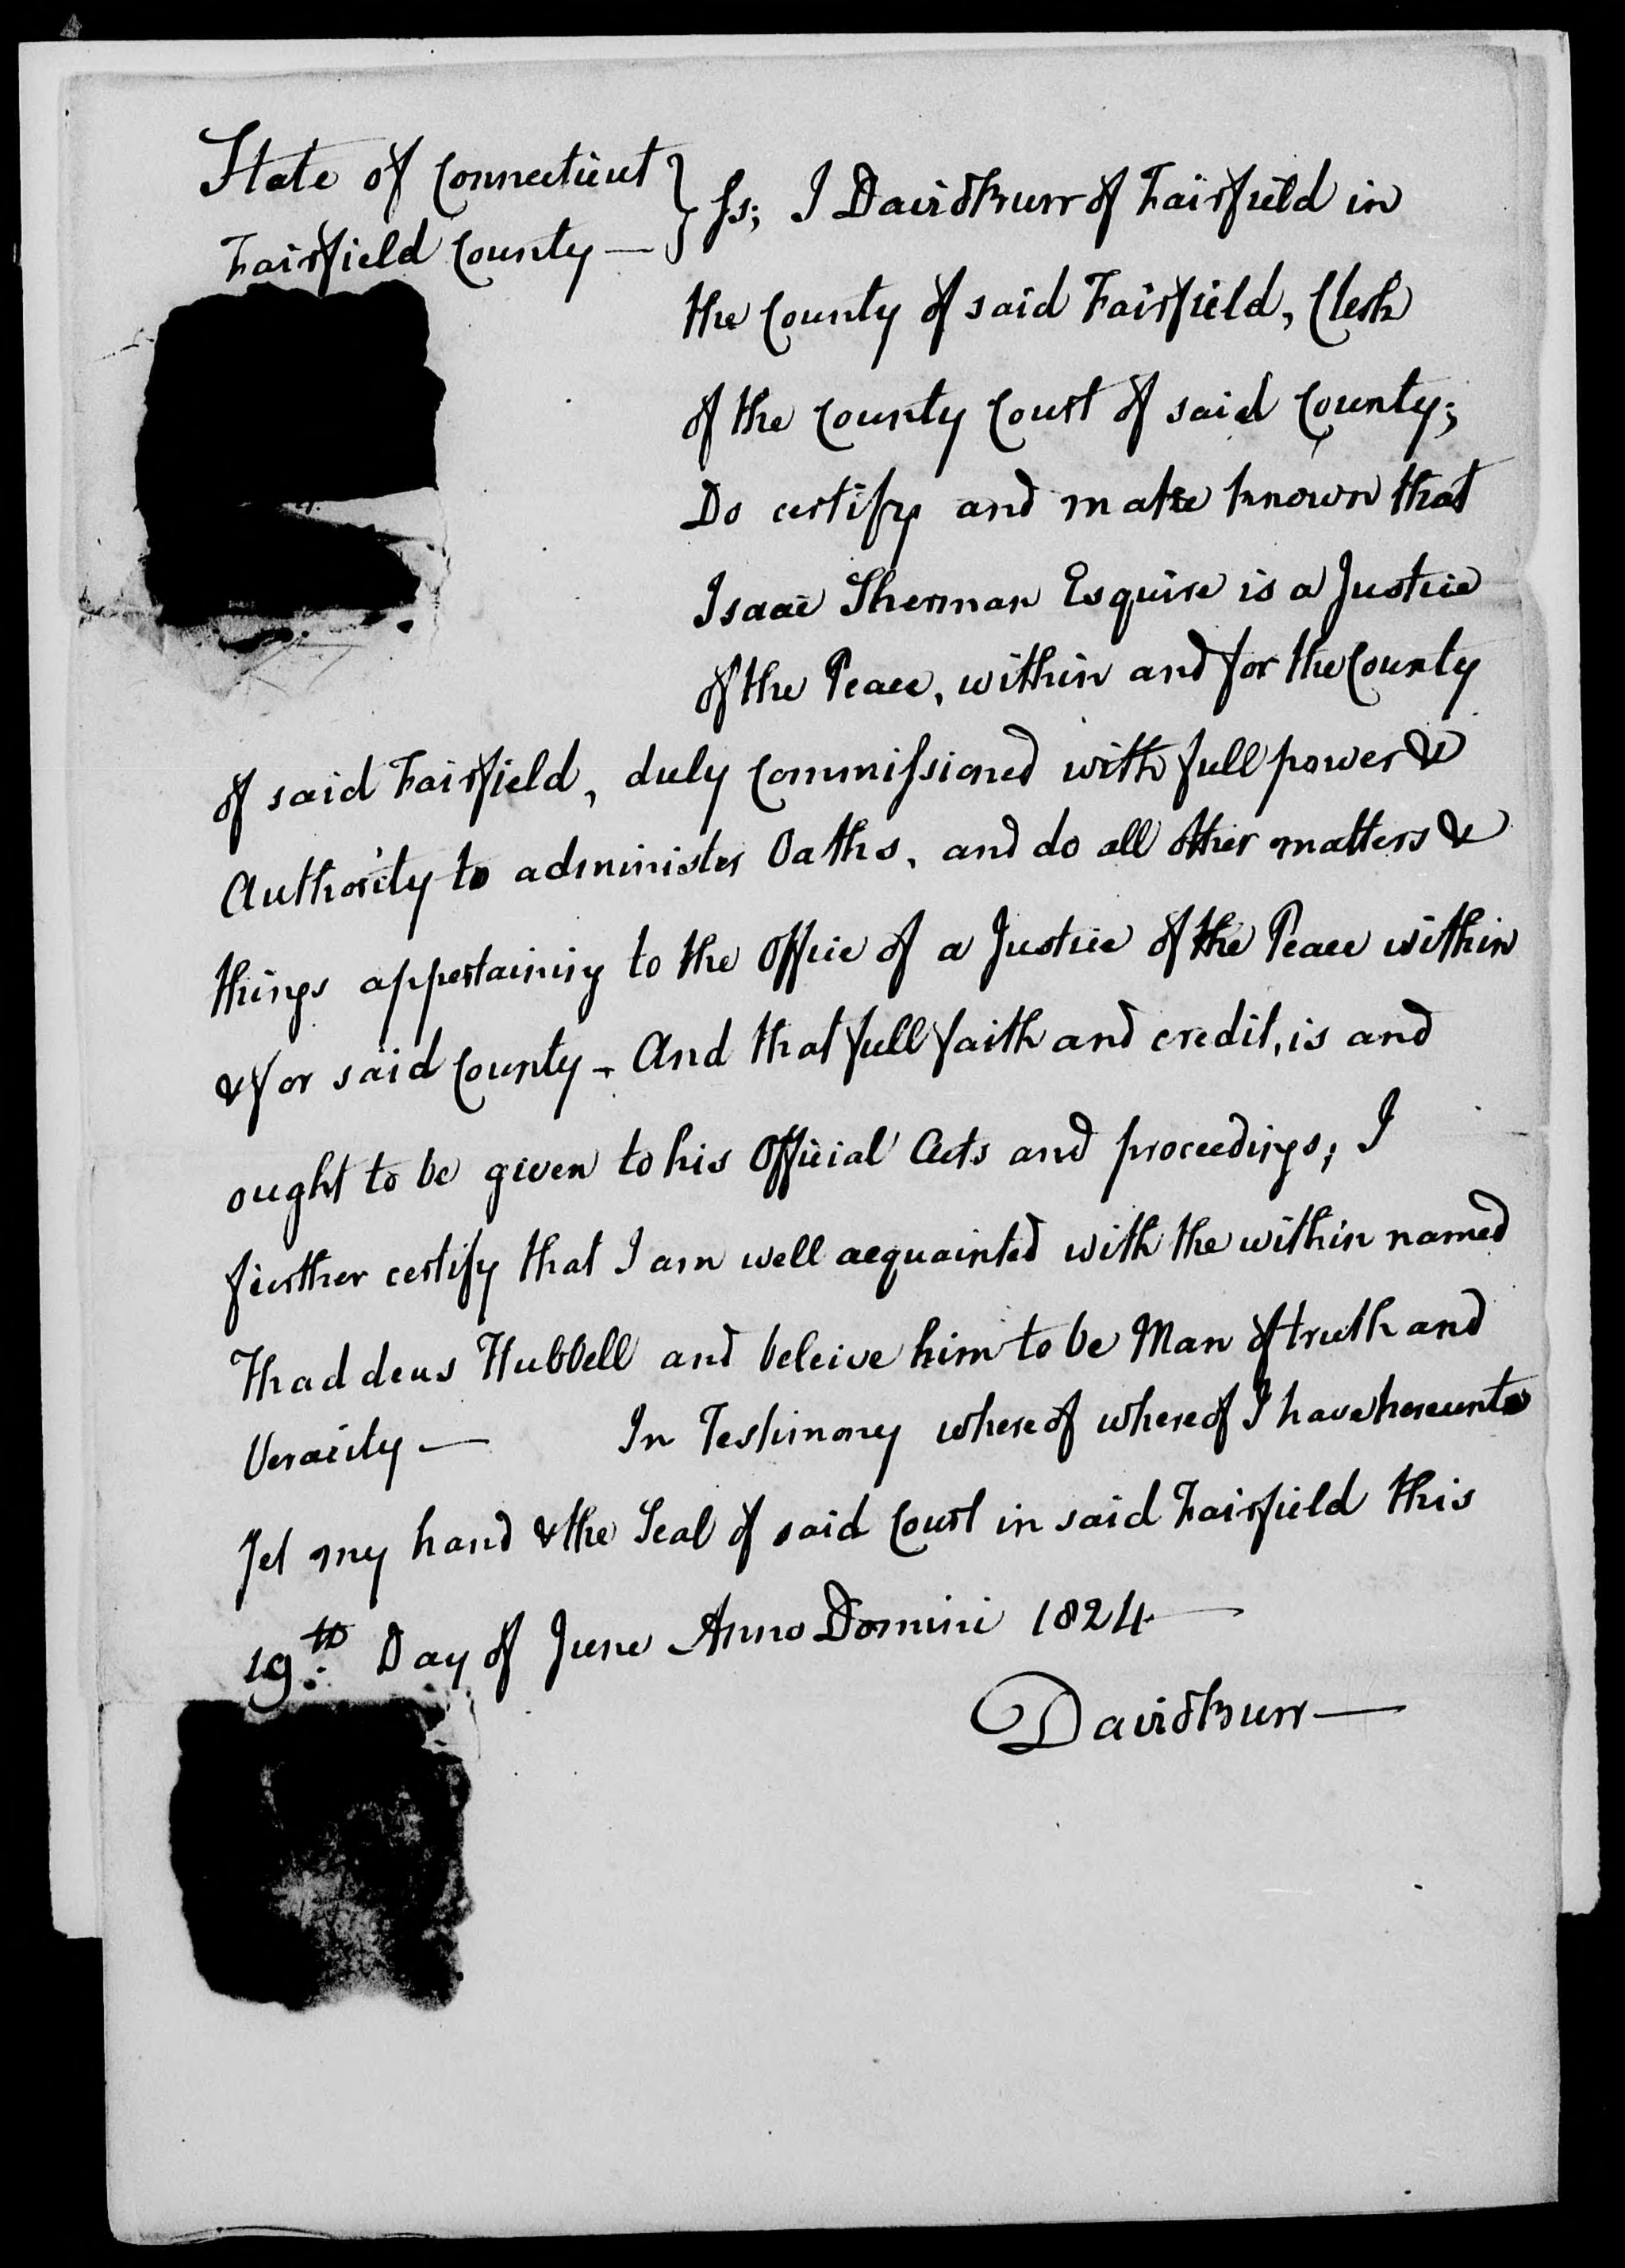State of Connecticut
Fairfield County
Js: I David Burr of Fairfield in the county of said Fairfield, Clerk of the county court of said county; Do certify and make known that Isaac Sherman Esquire is a Justice of the Peace, within and for the county of said Fairfield, duly commissioned with full power & authority to administer oaths, and do all other matters & things appertaining to the office of a Justice of the Peace within & for said county- And that full faith and credit, is and ought to be given to his Official Actions and proceedings, I further verify that I am well acquainted within named Thaddeus Hubbell and believe him to be a Man of truth and veracity---- In testimony where of where of I have  hereunto set my hand & the seal of said county in said Fairfield this 19th Day of June Anno Domini 1924.
David Burr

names: Thaddeus Hubbell, Isaac Sherman, David Burr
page: 96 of 114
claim: widow's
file: W. 2115, Seth Hubbell, Conn.